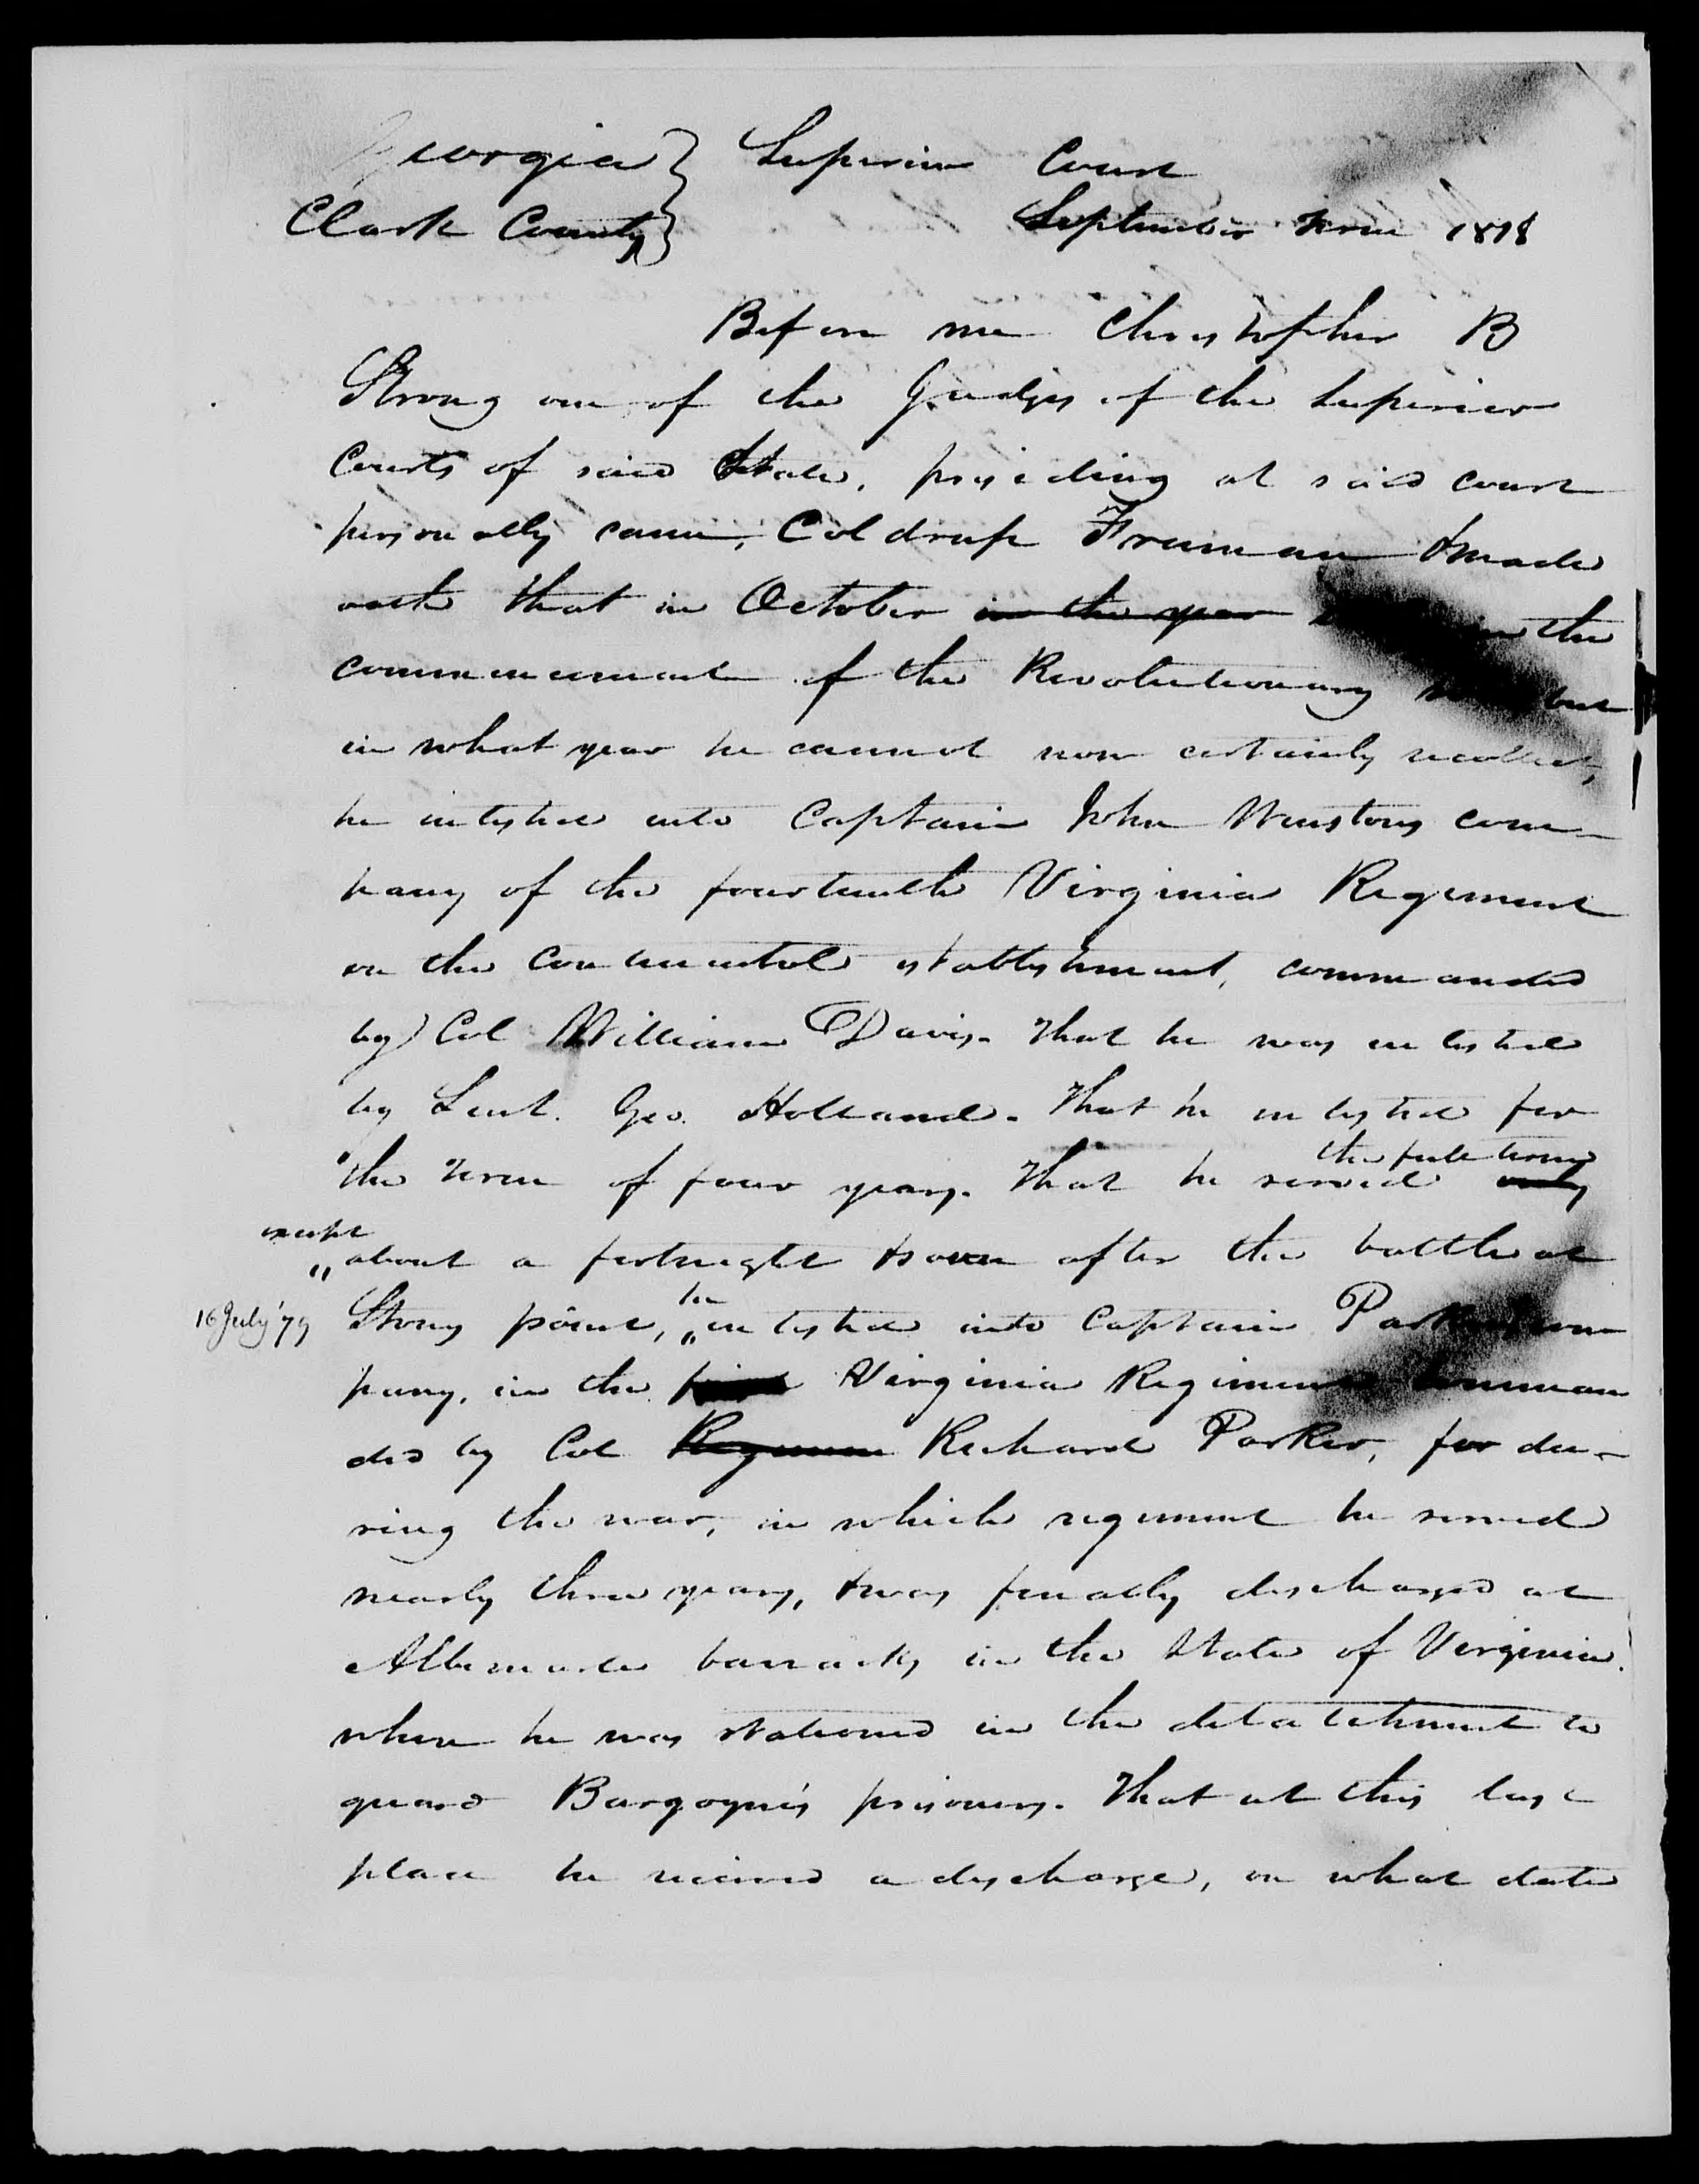Georgia
Clark County } Superior Court
September Five 1878
Before me Christopher B Strong of the Judges of the superior courts of said state judging at said court personally came Coldrup Freeman & made oath that in October in the year [illegible] the co [illegible] [illegible]of the Revolutionary [illegible] in what year he cannot with certainty recollect, he [illegible] unto captain John Wester [illegible]  any of the four teenth Virginia Regiment are this c[illegible] & battle [illegible], commanded by Col William Davis that he way [illegible] by Lieut Geo Holland that he was by that [illegible] the name of said year that he served the [illegible] [illegible]
year about a [illegible] & ever after the battle and 16 July '75 Strong Point [illegible] [illegible] had into captains Pat [illegible]
 [illegible] in the Virginia Regiment is  [illegible]
also by Col Richard Parker, for desring this war in which regiment he served
nearly three years, & finally discharged and 
All are  [illegible] been in the state of Virginia 
where he was Wat[illegible] in the date [illegible]
guard Burgoyne's pris [illegible] That at this  [illegible]
place he received a discharge, on what date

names: Geo Holland, Coldrup Freeman, Christopher B Strong, Burgoyne, Richard Parker, William Davis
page: 4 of 15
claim: survivor's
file: S. 37,941, Coldrup Freeman, Va.